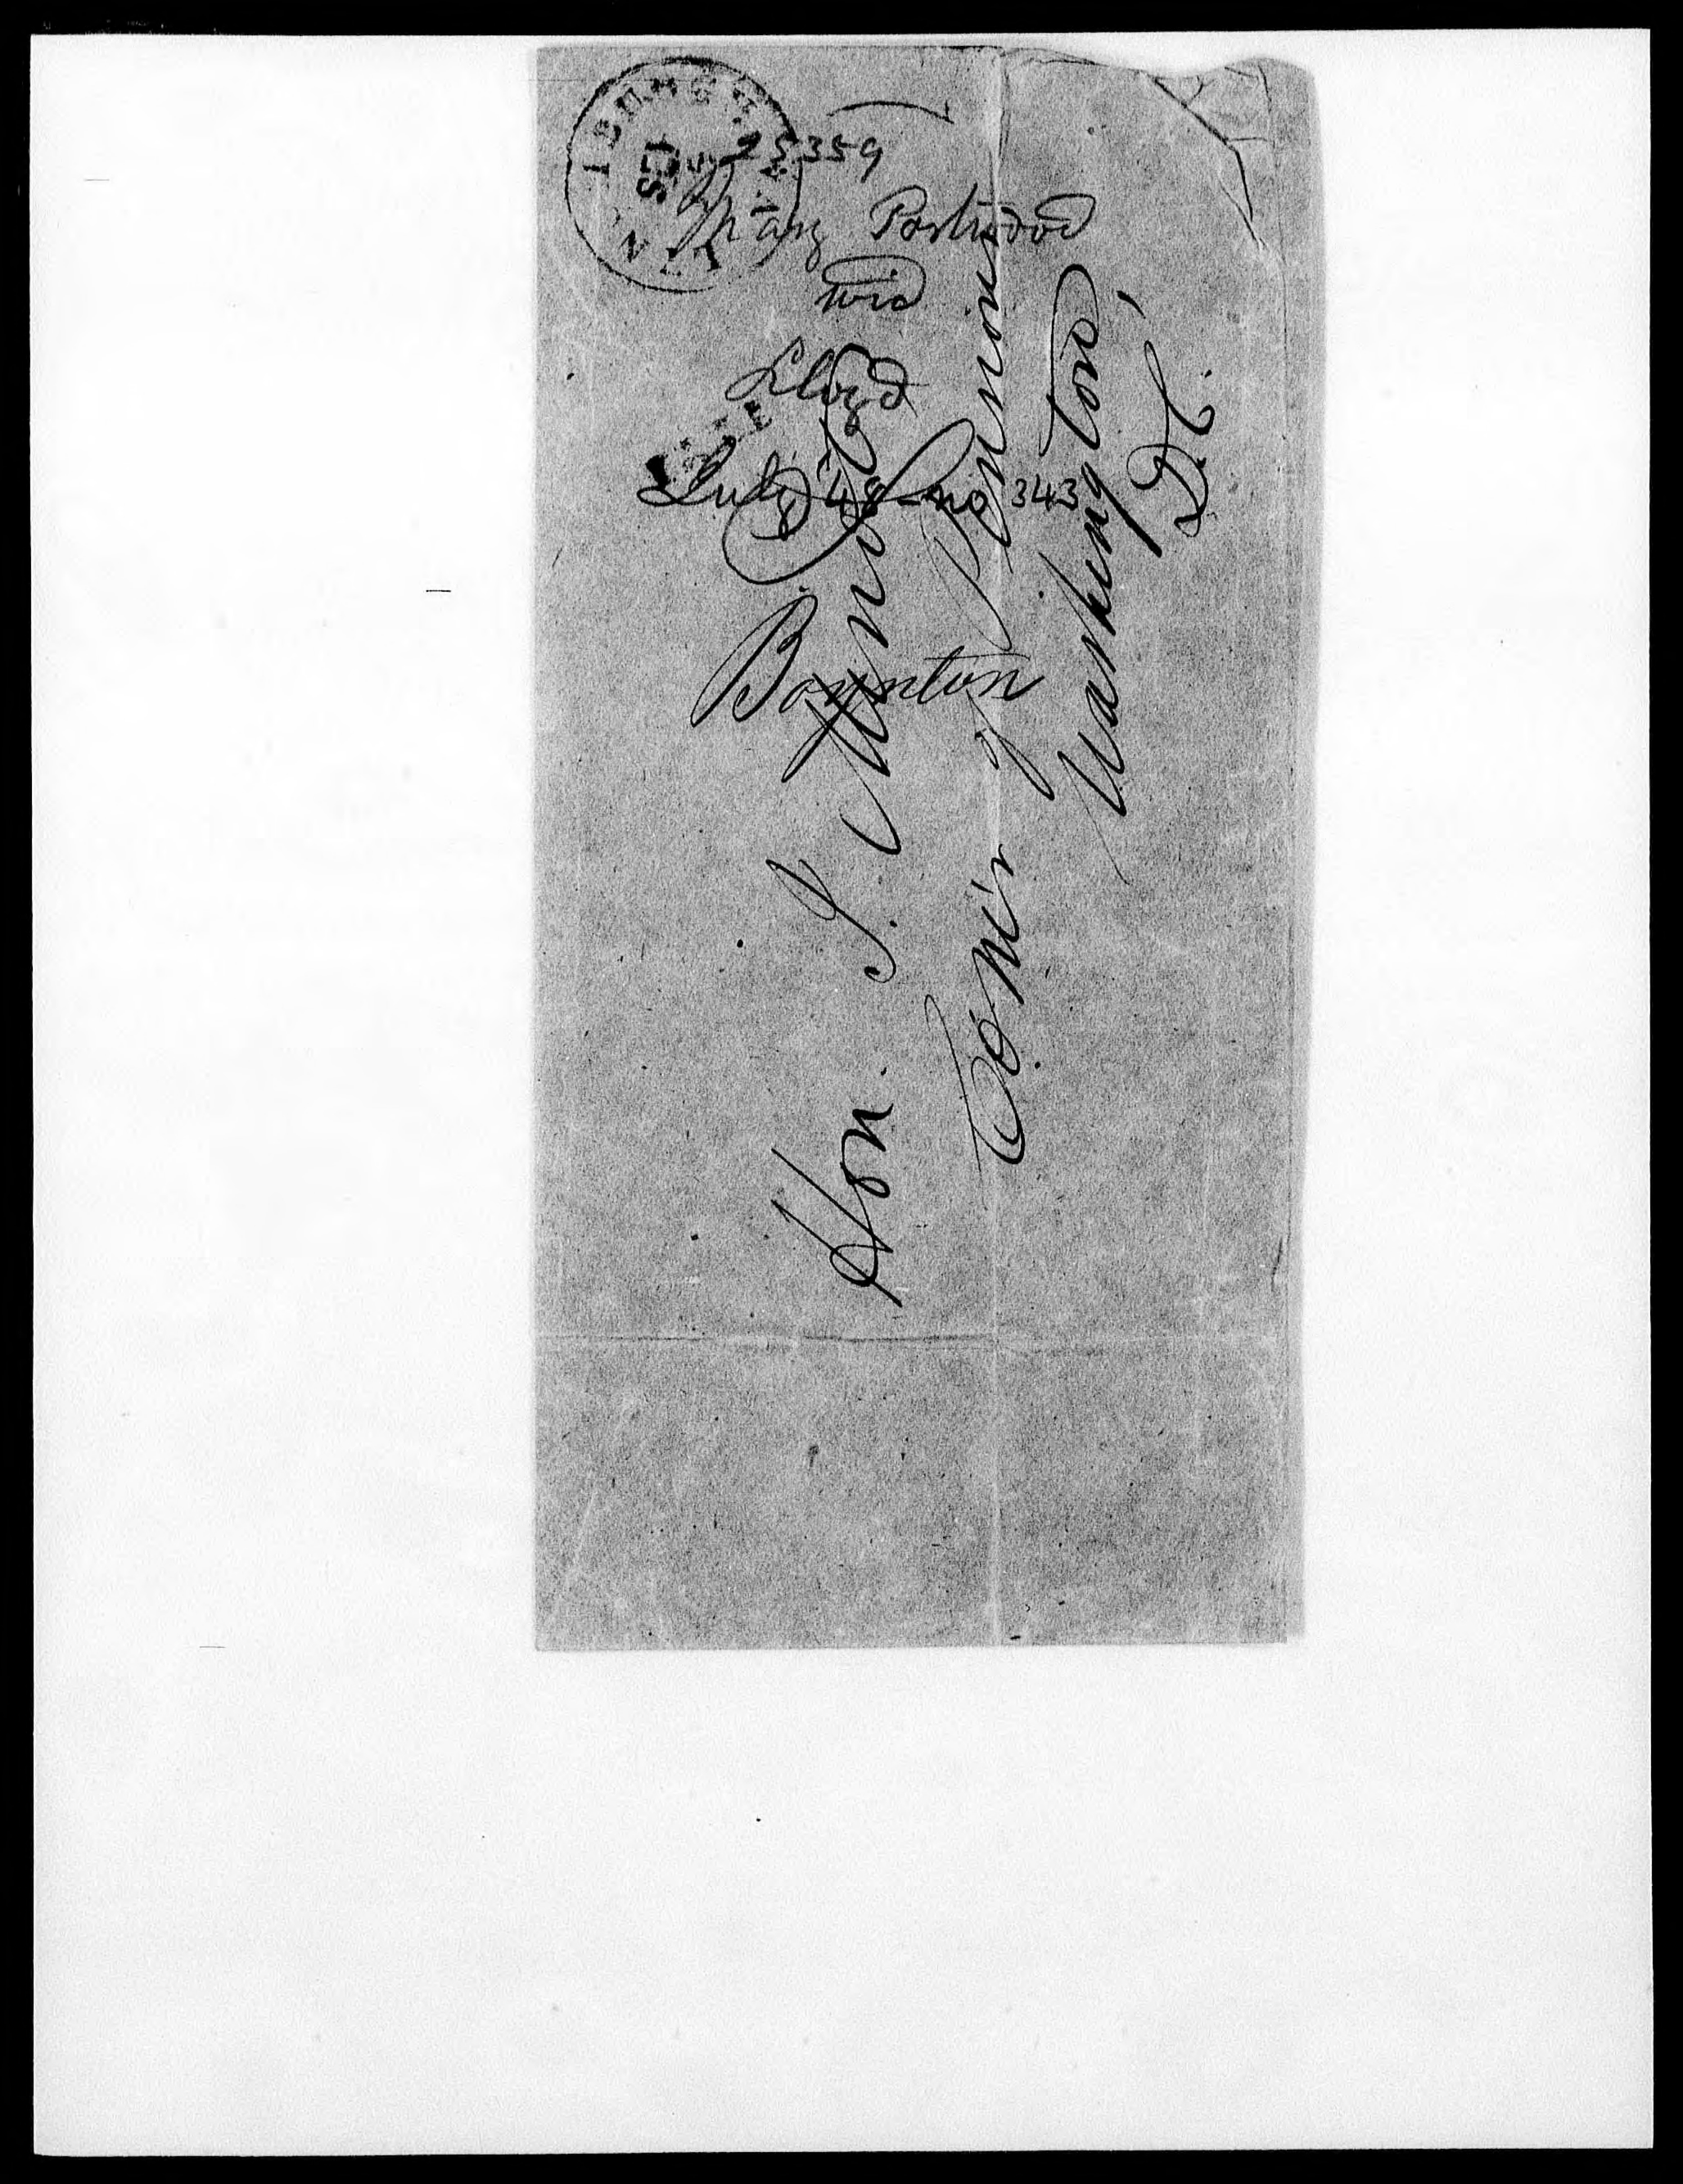[Postage stamp]
25359
Mary Portwood
wid
Lloyd
July '48 - no 343
Boynton
[Overwritten the above]
Hon J. Minot
Com'r of Pensions
Washington,
D.C.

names: [BLANK] Boynton; Mary Portwood; Lloyd Portwood; J Minot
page: 17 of 50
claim: widow's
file: W. 1929, for Lloyd Portwood, Virginia